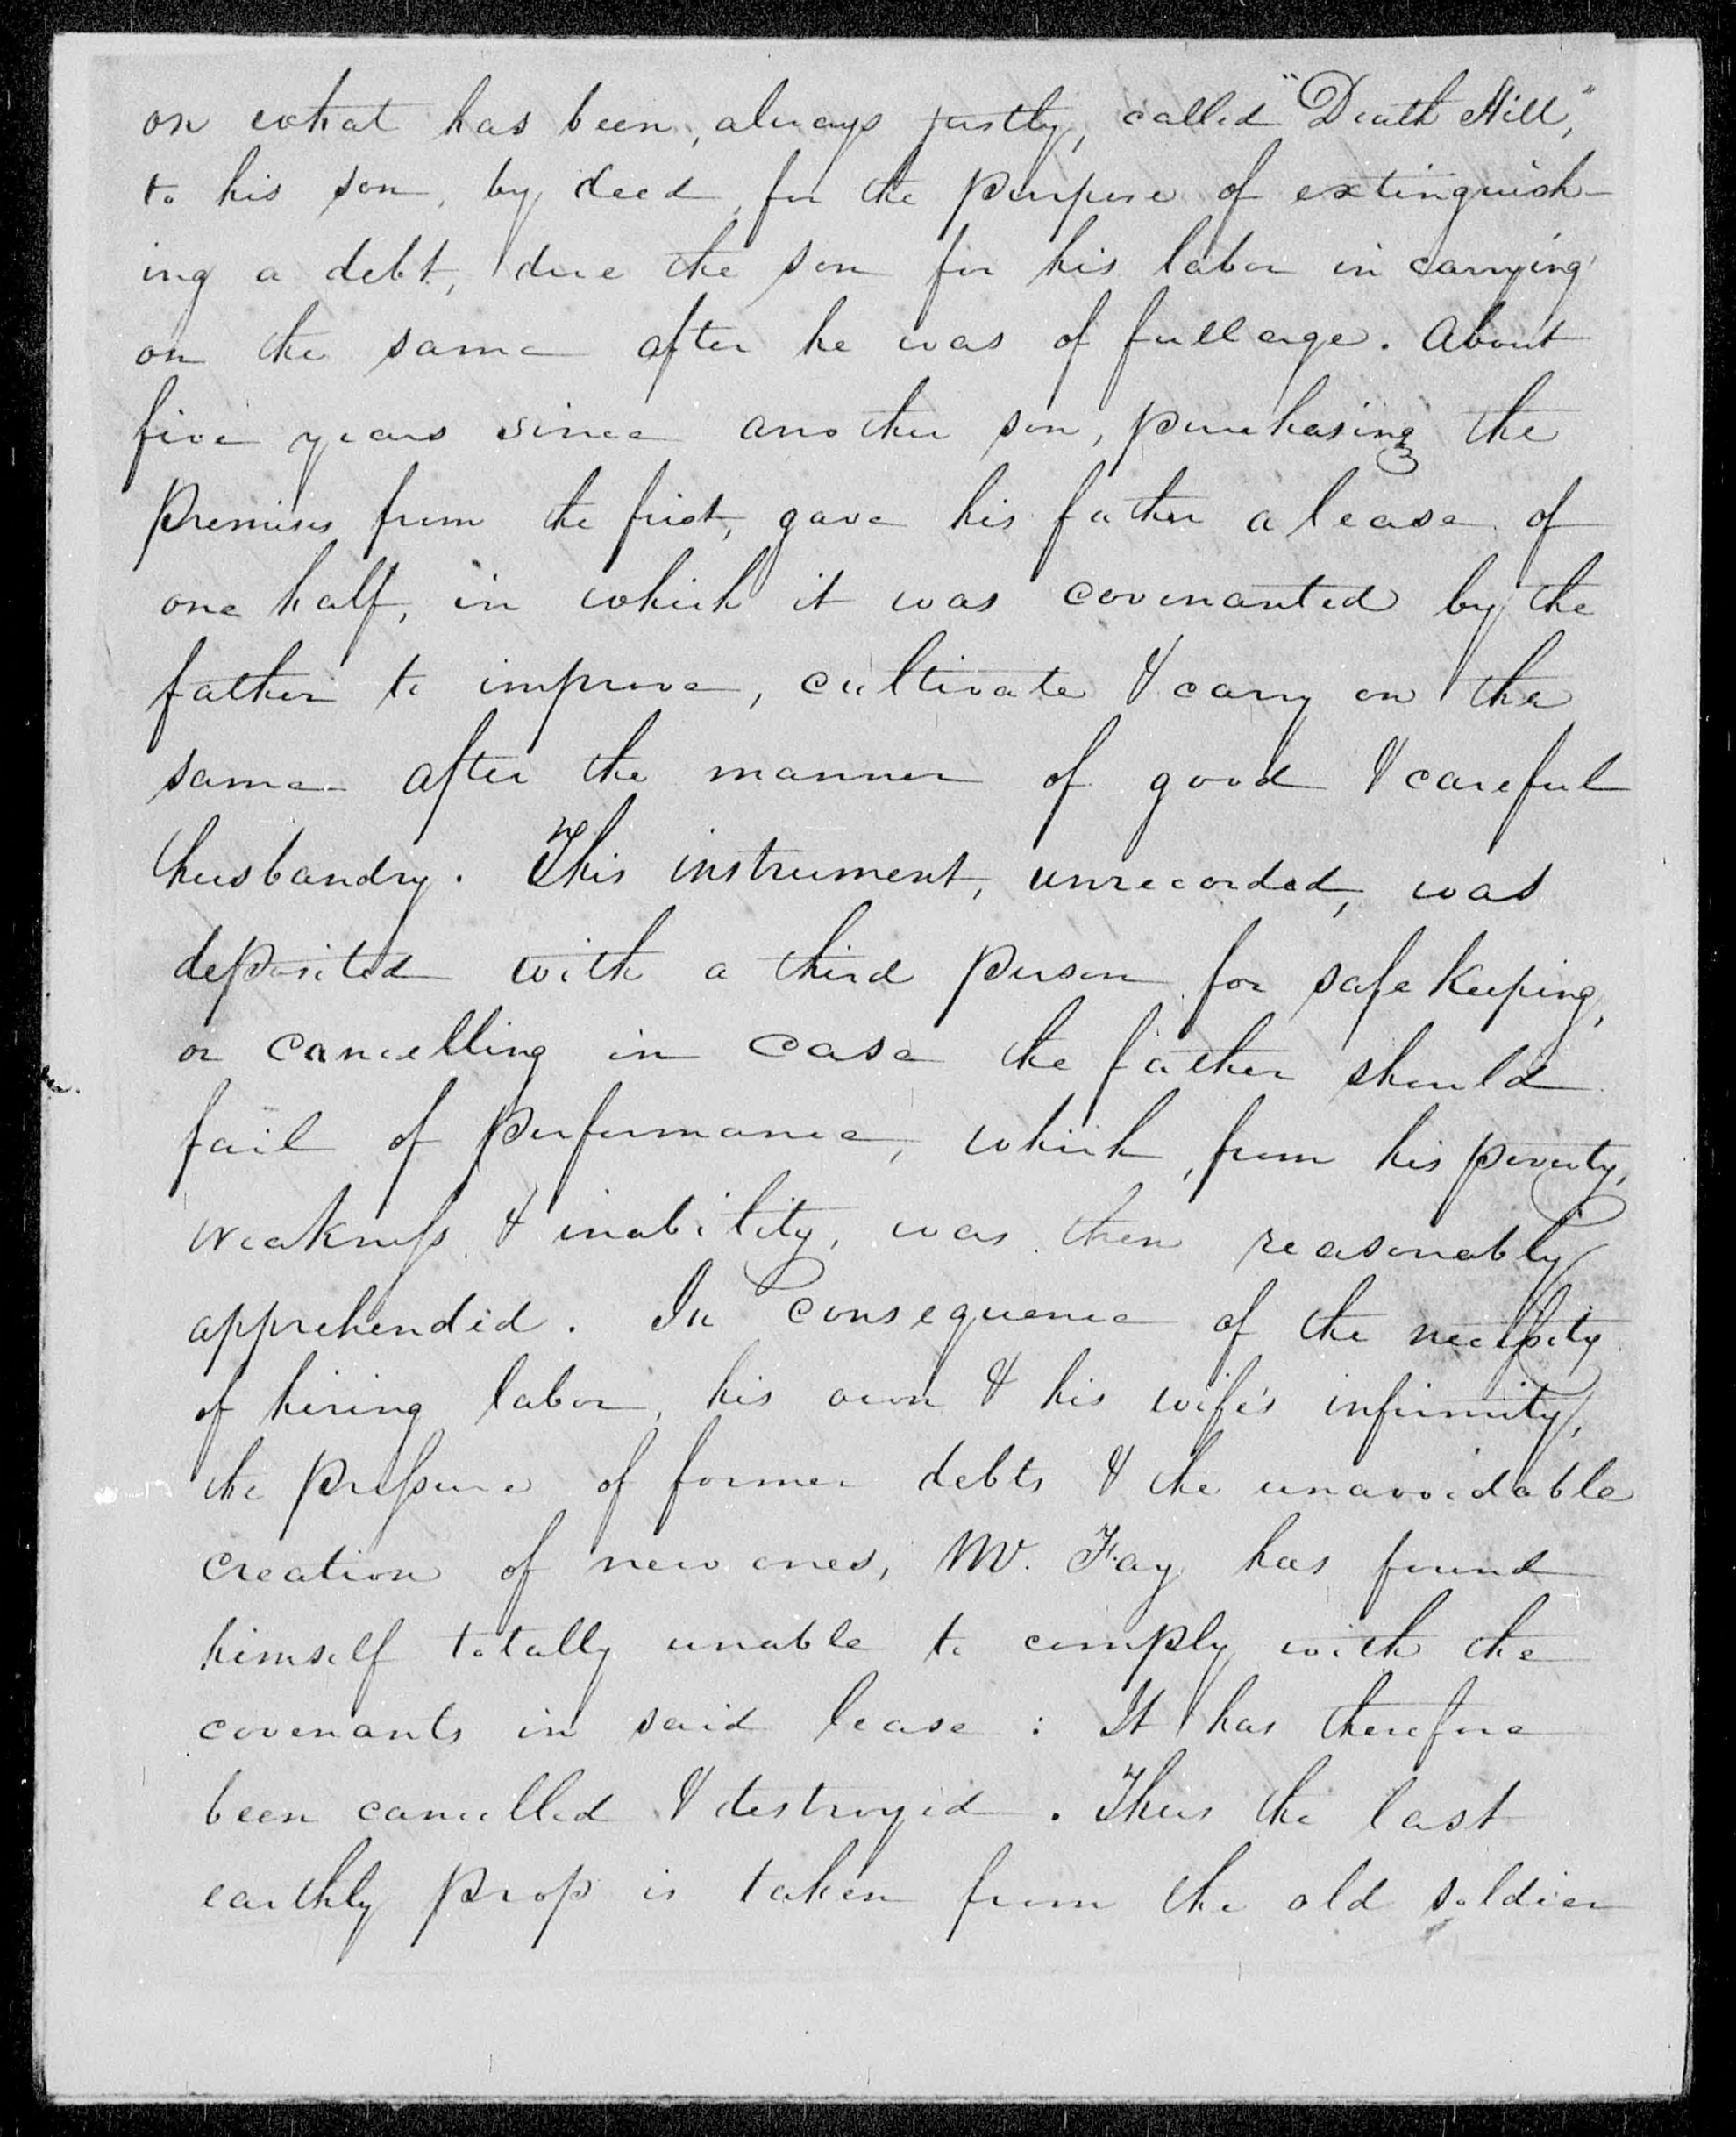on what has been, always justly called "Death Hill to his son by deed, for the purpose of extinguishing a debt due the son for his labor in carrying the same after he was of full age. About five years since another son, purchasing t e Premises from the first, gave his father a lease of one half, in which it was covenanted by the father to improve, cultivate & carry on the same after the manner of good & careful
husbandry. This instrument, unrecorded was
deposited with a third person for safe keeping
or cancelling in case the father should fail of performance, which from his privity, weakness
& inability, was then reasonably apprehended. In consequence of the necessity of hiring labor; his own & his wife's infirmity, the presence of former debts & the unavoidable creation of new ones, Mr. Fay has found himself totally unable to comply with the covenants in said lease. It has therefore been cancelled & destroyed. Thus the last earthly prop is taken from the old soldier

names: Fay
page: 28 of 31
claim: survivor's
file: S. 34,839, Thomas Fay, Mass.